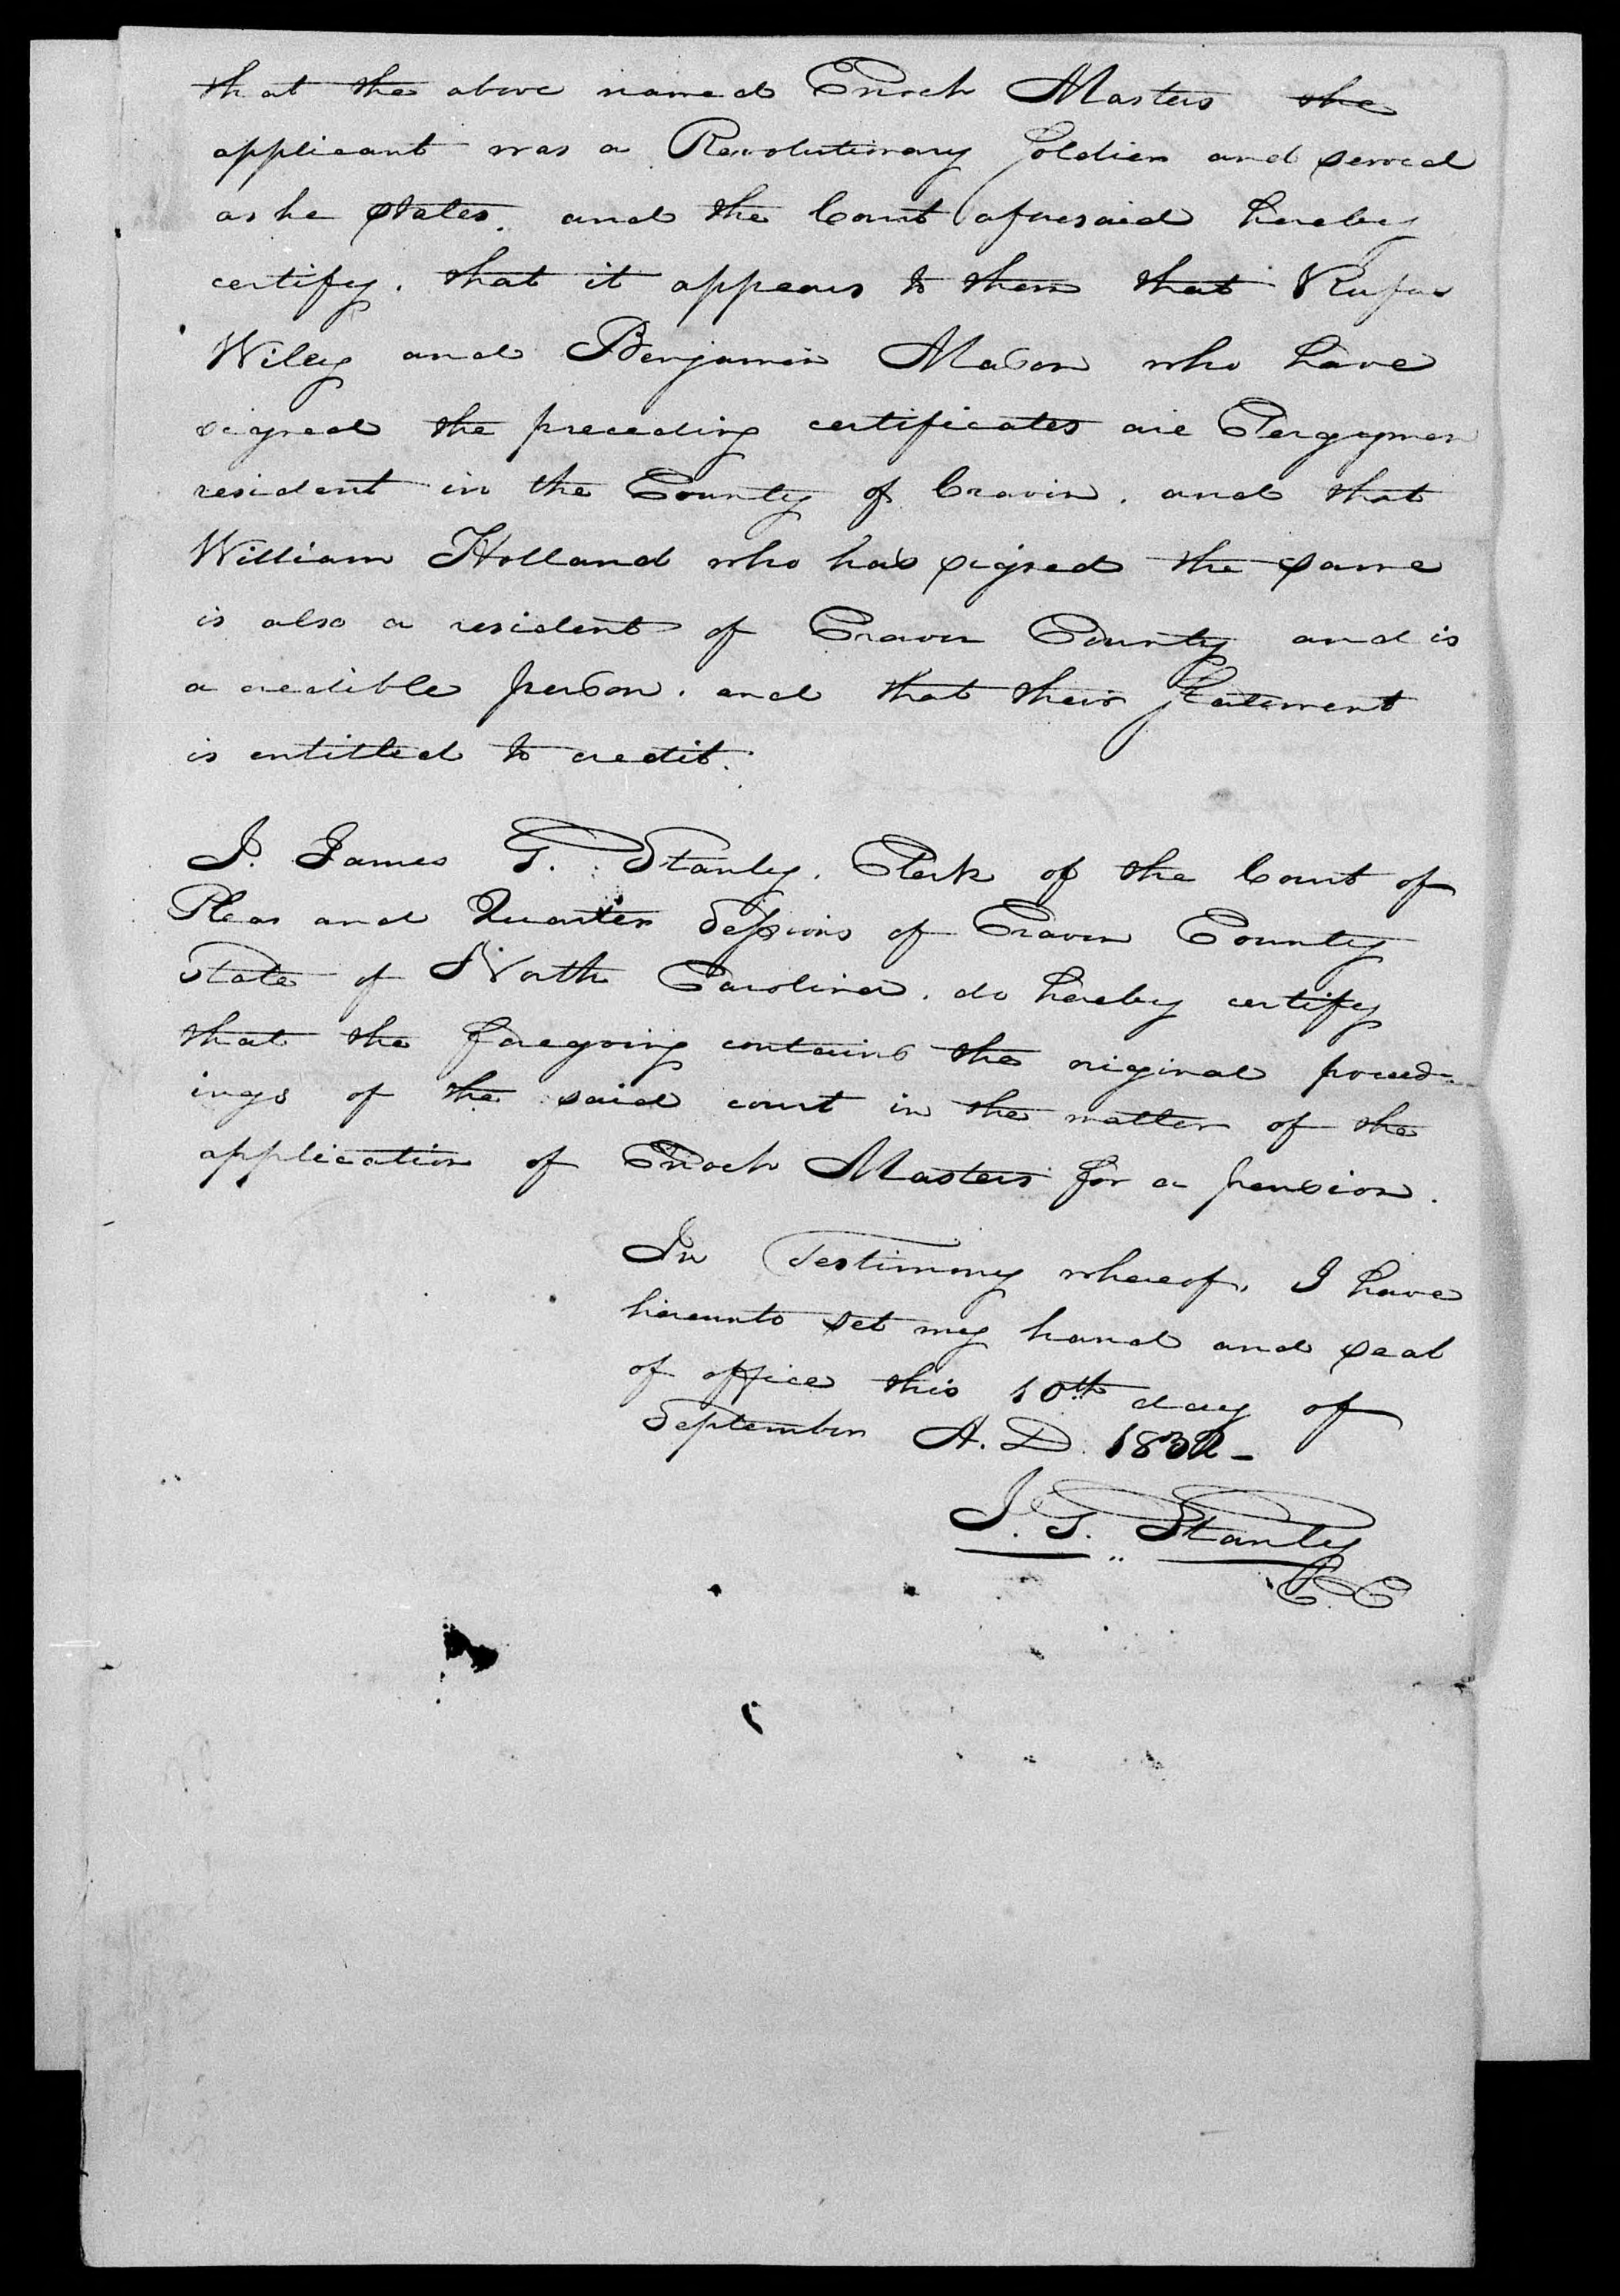that the above named Enoch Masters the
applicant was a Revolutionary soldier and served as he states and the Court aforesaid hereby certify that it appears to them that Rufus Wiley  and Benjamin Mason who have
signed the preceding certificates are Clergyman
resident in the County of Cravin, and that
William Holland who has signed the same
is also a resident of Craven County and is a
credible person and that their staterment is entitled to credit.

I, James G Stanley, Clerk of the Court of
Pleas and Quarter Sessions of Craven County
State of North Carolina do hereby certify
that the foregoing contains the original proceedings of the said court in the matter of the application of Enoch Masters for a pension.

In Testimony whereof, I have hereunto set my hand and seal of office this 10th day of September A.D. 1832.
J G Stanly CC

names: Enoch Masters; James G Stanly; Benjamin Mason; William Holland; Rufus Wiley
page: 8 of 15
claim: survivor's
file: S. 2749, for Enoch Masters, North Carolina